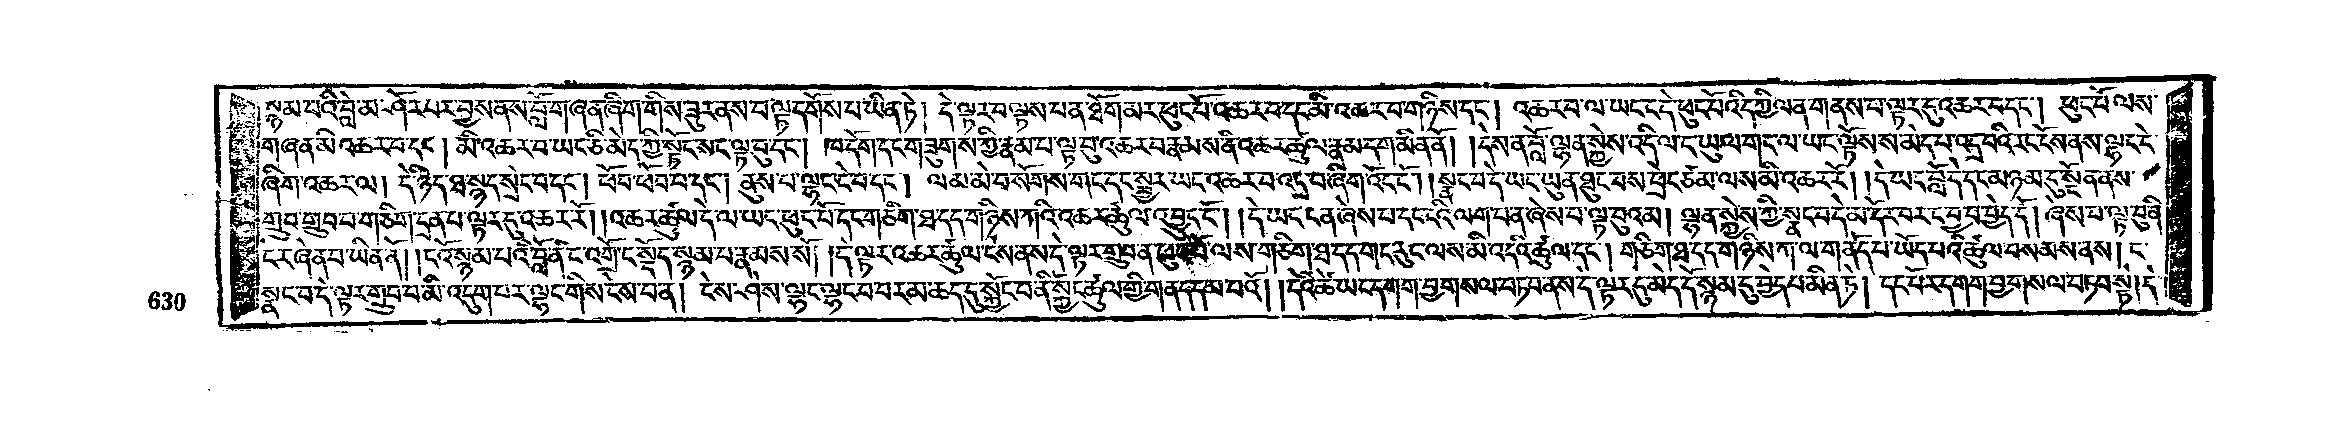སྙམ་པའི་བློ་མ་ཤོར་བར་བྱས་ནས་བློ་གཞན་ཞིག་གིས་ཟུར་ནས་བལྟ་དགོས་པ་ཡིན་ཏེ། དེ་ལྟར་བལྟས་པ་ན་ཐོག་མར་ཕུང་པོ་འཆར་བ་དང་མི་འཆར་བ་གཉིས་དང་། འཆར་བ་ལ་ཡང་ང་དེ་ཕུང་པོའི་དཀྱིལ་ན་གནས་པ་ལྟར་དུ་འཆར་བ་དང་། ཕུང་པོ་ལས་
གཞན་མི་འཆར་བ་དང་། མི་འཆར་བ་ཡང་ཅི་མེད་ཀྱི་སྟོང་སང་ལྟ་བུ་དང་། ཁ་དོག་དང་གཟུགས་ཀྱི་རྣམ་པ་ལྟ་བུ་འཆར་བ་རྣམས་ནི་འཆར་ཚུལ་རྣམ་དག་མིན་ནོ། །དེས་ན་བློ་ལྷན་སྐྱེས་འདི་ལ་ང་ཡུལ་གང་ལ་ཡང་ལྟོས་ས་མེད་པ་འདྲ་བའི་རང་ངོས་ནས་ལྷང་ངེ་
ཞིག་འཆར་ལ། དེ་ཉིད་ཐ་སྙད་སྲེང་བ་དང་། ཕོབ་ཕོབ་པ་དང་། ནུས་པ་ལྷང་ངེ་བ་དང་། ལམ་མེ་བ་སོགས་གང་དང་སྦྱར་ཡང་འཆར་བ་འདྲ་བ་ཞིག་འོང་ངོ། །སྣང་བ་དེ་ཡང་ཡུན་ཐུང་བས་ཕྲེང་ཙམ་ལས་མི་འཆར་རོ། །དེ་ཡང་བློ་དེ་དང་མཉམ་དུ་སྔོན་ནས་
གྲུབ་གྲུབ་པ་གཅིག་དྲན་པ་ལྟར་དུ་འཆར་རོ། །འཆར་ཚུལ་དེ་ལ་ཡང་ཕུང་པོ་དང་གཅིག་ཐ་དད་གཉིས་ཀའི་འཆར་ཚུལ་འབྱུང་ངོ། །དེ་ཡང་ང་ན་ཞེས་པ་དང་ངའི་ལག་པ་ན་ཞེས་པ་ལྟ་བུའམ། ལྷན་སྐྱེས་ཀྱི་སྣང་བ་དེ་མ་དོར་བར་ང་བྱ་བ་བྱེད་དོ། ཞེས་པ་ལྟ་བུ་ནི་
ངར་ཞེན་པ་ཡིན་ནོ། །ངའོ་སྙམ་པའི་བློ་ནི་ང་འགྲོ་ང་སྡོད་སྙམ་པ་རྣམས་སོ། །དེ་ལྟར་འཆར་ཚུལ་ངེས་ནས་དེ་ལྟར་གྲུབ་ན་ཕུང་པོ་ལས་གཅིག་ཐ་དད་གང་རུང་ལས་མི་འདའི་ཚུལ་དང་། གཅིག་ཐ་དད་གཉིས་ཀ་ལ་གནོད་པ་ཡོད་པའི་ཚུལ་བསམས་ནས། ང་
སྣང་བ་དེ་ལྟར་གྲུབ་བ་མི་འདུག་པར་ལྷང་གིས་ངེས་པ་ན། ངེས་ཤེས་ལྷང་ལྷང་བ་བར་མ་ཆད་དུ་སྐྱོང་བ་ནི་སྐྱོང་ཚུལ་གྱི་གནད་དམ་པའོ། །དེའི་ཚེ་ཡང་དགག་བྱ་གསལ་བཏབ་ནས་དེ་ལྟར་དུ་མེད་དོ་སྙམ་དུ་བྱེད་པ་མིན་ཏེ། དང་པོར་དགག་བྱ་གསལ་བཏབ་སྟེ། དེ་